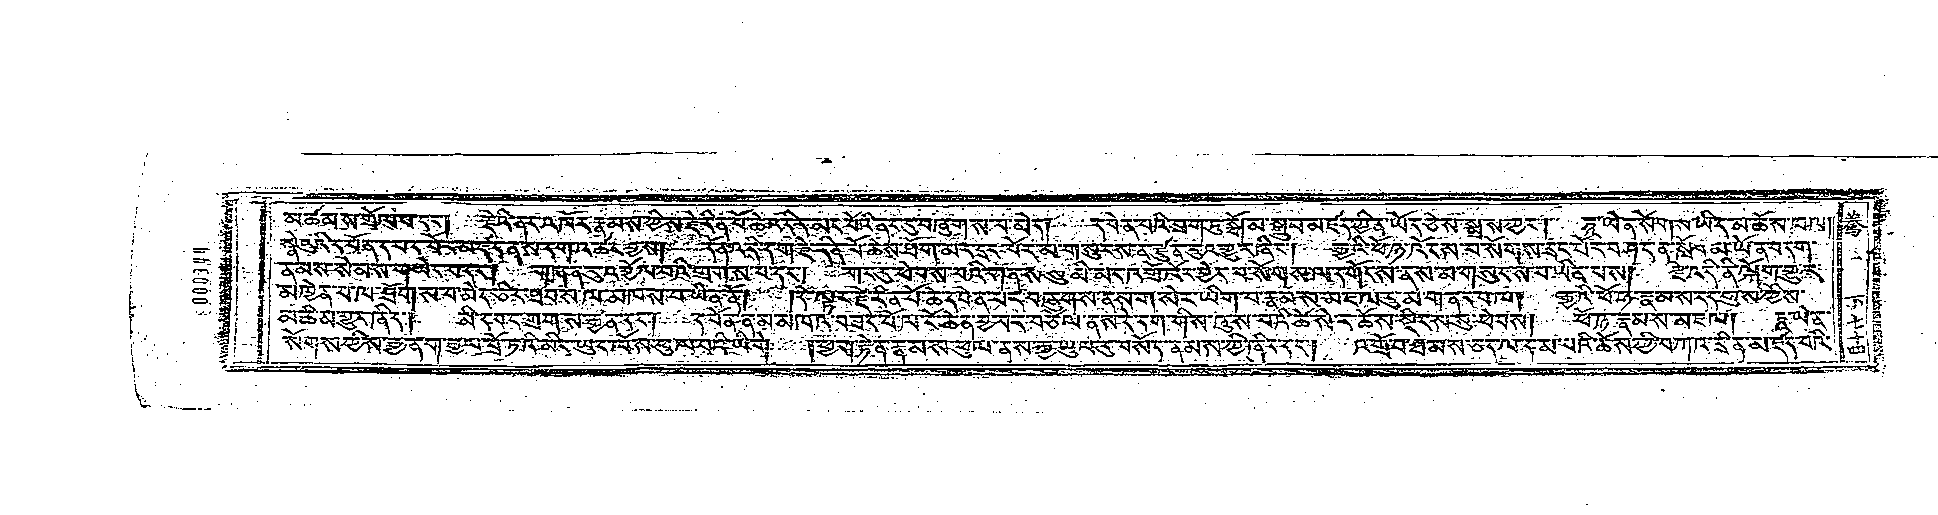མཚམས་གྲོལ་བ་དང་། རྗེའི་ནང་འཁོར་རྣམས་ཀྱིས་རྗེ་རིན་པོ་ཆེ་འདིར་མང་པོའི་ནང་དུ་བཞུགས་པ་མེད། དབེན་པའི་བྲག་ཏུ་སྒོམ་སྒྲུབ་མཛད་ཀྱིན་ཡོད་ཅེས་སྨྲས་ཀྱང་། ཏཱ་ཡེན་སོགས་ཡིད་མ་ཆོས་བལ།
སྣེའུའི་དཔོན་དཔང་པོར་མཛད་ནས་དག་འཚང་བྱས། དོན་འདི་དག་རྗེ་རིན་པོ་ཆེས་ཐོག་མར་དྲང་པོར་མ་གསུངས་ན་རྫུན་དུ་འགྱུར་ཞིང་། རྒྱའི་ཕོ་ཉ་འོངས་པ་སོགས་དྲང་པོར་བཤད་ན་སློབ་མ་ཡོན་བདག་
རྣམས་སེམས་གཡེང་བ་དང་། གཞན་དུ་འབྱོལ་བའི་གྲགས་པ་དང་། གང་དུ་ཕེབས་བའི་གནས་སུ་མི་མང་འགྲོ་འོང་བྱེད་པ་སོགས་ལ་དགོངས་ནས་མ་གསུངས་པ་ཡིན་པས། རྗེ་འདི་ནི་ལྐོག་གྱུར་
མཁྱེན་པ་ལ་ཐོགས་པ་མེད་ཅིང་ཐབས་ལ་མཁས་པ་ཡིན་ནོ། །དེ་ལྟར་རྗེ་རིན་པོ་ཆེ་དབེན་པར་བཞུགས་ནས་ག་སེར་ཡིག་པ་རྣམས་མཇལ་དུ་མ་གནང་བ་ལ། རྒྱའི་ཕོ་ཉ་རྣམས་དད་གུས་ཀྱིས་
མཆི་མ་བྱུང་ཞིང་། མི་དབང་གྲགས་རྒྱན་དང་། དཔོན་ནམ་མཁའ་བཟང་པོ་ལ་ངོ་ཆེན་བྱ་བར་བཙེལ་ནས་དེ་དག་གིས་ཞུས་པའི་ཚེ་སེར་ཆོས་སྡིངས་སུ་ཕེབས། ཕ་ཉ་རྣམས་མཇལ། ཏཱ་ཡེན་
སོགས་ཀྱིས་རྒྱ་ནག་རྒྱལ་པོ་ཏའི་མིང་ཡུང་ཁོས་ཕུལ་བའི་ཡི་གེ །ཕྱག་རྟེན་རྣམས་ཕུལ་ནས་རྒྱ་ཡུལ་དུ་བསོད་ནམས་ཀྱི་ཞིང་དང་། འགྲོ་བ་ཐམས་ཅད་ལ་དམ་པའི་ཆོས་ཀྱི་བཀའ་དྲིན་མཛད་བའི་